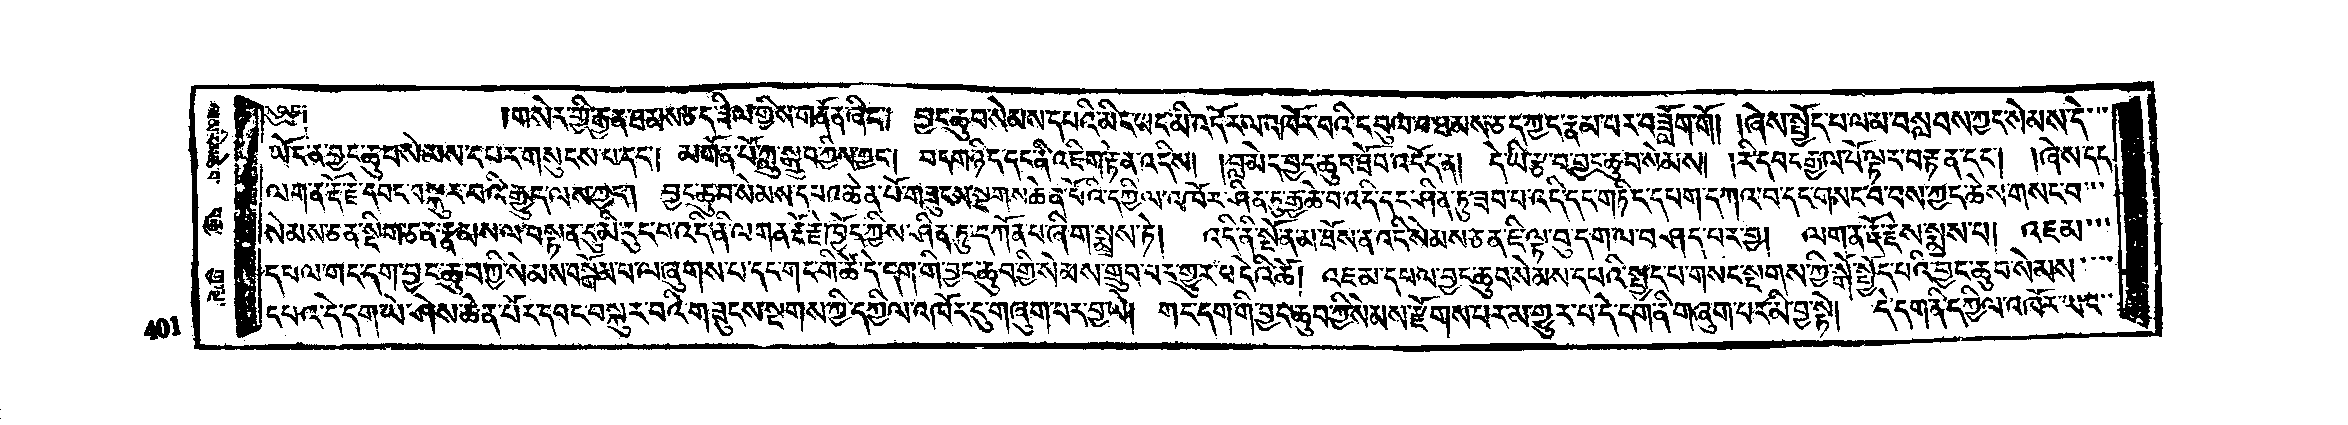༄༅། །གསེར་གྱི་རྒྱན་ཐམས་ཅད་ཟིལ་གྱིས་གནོན་ཞིང་། བྱང་ཆུབ་སེམས་དཔའི་མིང་ཡང་མི་འདོར་ལ་འཁོར་བའི་དབུལ་བ་ཐམས་ཅད་ཀྱང་རྣམ་པར་བཟློག་གོ། །ཞེས་སྤྱོད་པ་ལ་མ་བསླབས་ཀྱང་སེམས་དེ་
ཡོད་ན་བྱང་ཆུབ་སེམས་དཔར་གསུངས་པ་དང་། མགོན་པོ་ཀླུ་སྒྲུབ་ཀྱིས་ཀྱང་། བདག་ཉིད་དང་ནི་འཇིག་རྟེན་འདིས། །བླ་མེད་བྱང་ཆུབ་ཐོབ་འདོད་ན། །དེ་ཡི་རྩ་བ་བྱང་ཆུབ་སེམས། །རི་དབང་རྒྱལ་པོ་ལྟར་བརྟན་དང་། །ཞེས་དང་།
ལག་ན་རྡོ་རྗེ་དབང་བསྐུར་བའི་རྒྱུད་ལས་ཀྱང་། བྱང་ཆུབ་སེམས་དཔའ་ཆེན་པོ་གཟུངས་སྔགས་ཆེན་པོའི་དཀྱིལ་འཁོར་ཤིན་ཏུ་རྒྱ་ཆེ་བ་འདི་དང་ཤིན་ཏུ་ཟབ་པ་འདི་དང་གཏིང་དཔག་དཀའ་བ་དང་གསང་བ་བས་ཀྱང་ཆེས་གསང་བ་
སེམས་ཅན་སྡིག་ཅན་རྣམས་ལ་བསྟན་དུ་མི་རུང་བ་འདི་ནི་ལག་ན་རྡོ་རྗེ་ཁྱོད་ཀྱིས་ཤིན་ཏུ་དཀོན་པ་ཞིག་སྨྲས་ཏེ། འདི་ནི་སྔོན་མ་ཐོས་ན་འདི་སེམས་ཅན་ཇི་ལྟ་བུ་དག་ལ་བཤད་པར་བྱ། ལག་ན་རྡོ་རྗེས་སྨྲས་པ། འཇམ་
དཔལ་གང་དག་བྱང་ཆུབ་ཀྱི་སེམས་བསྒོམ་པ་ལ་ཞུགས་པ་དང་གང་གི་ཚེ་དེ་དག་གི་བྱང་ཆུབ་ཀྱི་སེམས་གྲུབ་པར་གྱུར་པ་དེའི་ཚེ། འཇམ་དཔལ་བྱང་ཆུབ་སེམས་དཔའི་སྤྱད་པ་གསང་སྔགས་ཀྱི་སྒོ་སྤྱོད་པའི་བྱང་ཆུབ་སེམས་
དང་འདེ་དག་ཡེ་ཤེས་ཆེན་པོར་དབང་བསྐུར་བའི་གཟུངས་སྔགས་ཀྱི་དཀྱིལ་འཁོར་དུ་གཞུག་པར་བྱ་ཡི། གང་དག་གི་བྱང་ཆུབ་ཀྱི་སེམས་རྫོགས་པར་མ་གྱུར་པ་དེ་དག་ནི་གཞུག་པར་མི་བྱ་སྟེ། དེ་དག་ནི་དཀྱིལ་འཁོར་ཡང་